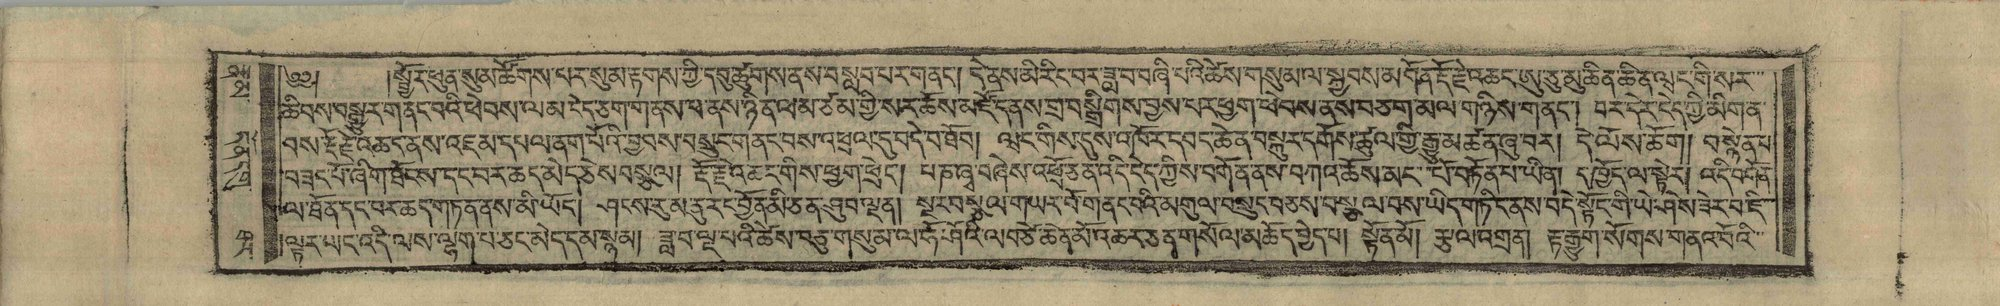༄༅། །སྦྱོར་ཕུན་སུམ་ཚོགས་པར་སུམ་རྟགས་ཀྱི་དབུ་ཚུགས་ནས་བསླབ་པར་གནང་། དེ་ནས་མི་རིང་བར་ཟླ་བ་བཞི་པའི་ཚེས་གསུམ་ལ་སྐྱབས་མགོན་རྡོ་རྗེ་འཆང་ཨུ་ཅུ་མུ་ཆིན་ཆིན་ཝང་གི་སར་
ཆིབས་བསྒྱུར་གནང་བའི་ཕེབས་ལམ་ངེད་ཅག་གནས་པ་ནས་ཉིན་ལམ་ཙམ་གྱི་སར་ཆོས་མཛོད་ནས་གྲ་བསྒྲིགས་བྱས་པར་ཕྱག་ཕེབས་ནས་བཅག་མལ་གཉིས་གནང་། བར་དེར་ངེད་ཀྱི་མིག་ན་
བས་རྡོ་རྗེ་འཆང་ནས་འཇམ་དཔལ་ནག་པོའི་བྱབས་བསྲུང་གནང་བས་འཕྲལ་དུ་བདེ་བ་ཐོབ། ཝང་གིས་དུས་འཁོར་དབང་ཆེན་བསྐུར་དགོས་ཚུལ་གྱི་རྒྱུ་མཚན་ཞུ་བར། དེ་ལོས་ཆོག །བསྙེན་པ་
བཟང་པོ་ཞིག་ཐོངས་དང་བར་ཆད་མེད་ཅེས་བསྩལ། རྡོ་རྗེ་འཆང་གིས་ཕྱག་ཕྲེང་། པཎ་ཞྭ་བཞེས་འཕྲོ་ཅན་འདི་ངེད་ཀྱིས་བགོན་ནས་བཀའ་ཆོས་མང་པོ་བཏོན་པ་ཡིན། ད་ཁྱོད་ལ་སྟེར། འདི་བགོན་
ལ་ཐོན་དང་བར་ཆད་གཏན་ནས་མི་ཡོང་། ཤངས་རུ་མ་ནུ་རང་བྱོན་མི་ཅན་ཤུབ་ལྡན། སྔར་བསྩལ་གཡར་བོ་གནང་བའི་མགུལ་བསྲུང་བཅས་བསྩལ་བས་ཡིད་གཏིང་ནས་བདེ་སྟོང་གི་ཡེ་ཤེས་ཟེར་བ་ཇི་
ལྟར་ཡང་འདི་ལས་ལྷག་པ་ཅང་མེད་དམ་སྙམ། ཟླ་བ་ལྔ་པའི་ཚེས་བཅུ་གསུམ་ལ་ཧོ་ཤོའི་ལབ་ཙེ་ཆེན་མོ་འཆར་ཅན་གསོལ་མཆོད་བྱེད་པ། སྟོན་མོ། རྩལ་འགྲན། རྟ་རྒྱུག་སོགས་གནའ་བོའི་